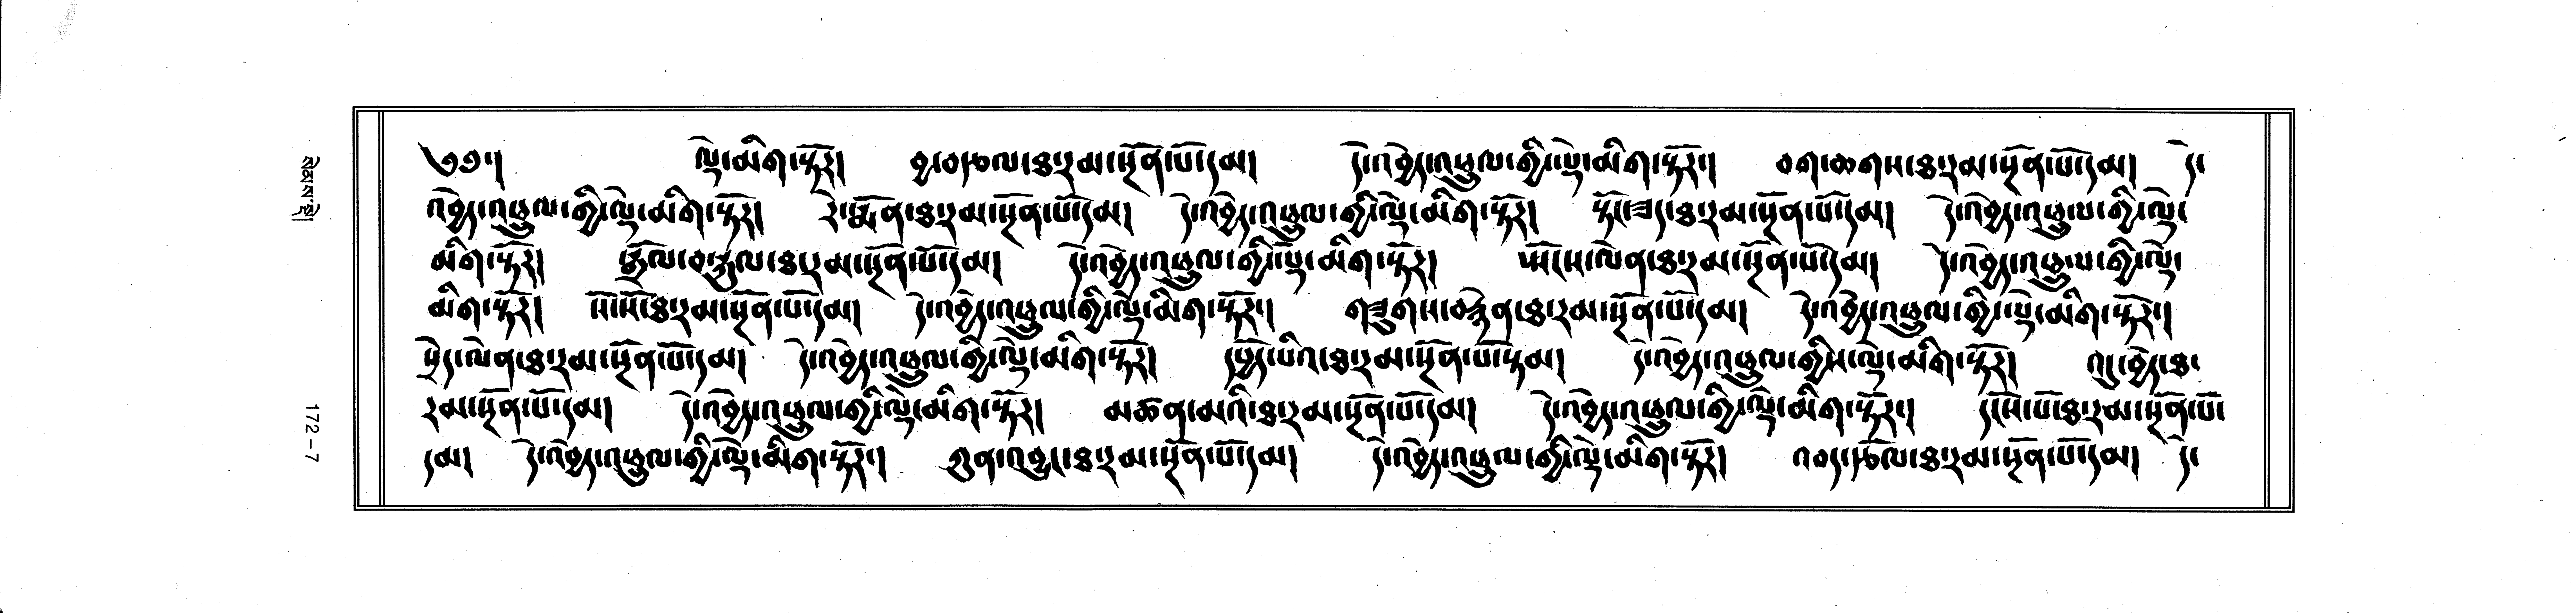ལྡེ་མིག་སྟོར། བྱ་བརྩལ་ཐ་རམ་སྔོན་པོ་དམ། དེ་འབྱེད་འཕྲུལ་གྱི་ལྡེ་མིག་སྟོར། བག་ཆགས་ཐ་རམ་སྔོན་པོ་དམ། དེ་
འབྱེད་འཕྲུལ་གྱི་ལྡེ་མིག་སྟོར། རེ་སྨོན་ཐ་རམ་སྔོན་པོ་དམ། དེ་འབྱེད་འཕྲུལ་གྱི་ལྡེ་མིག་སྟོར། སྟོང་ཟད་ཐ་རམ་སྔོན་པོ་དམ། དེ་འབྱེད་འཕྲུལ་གྱི་ལྡེ་
མིག་སྟོར། སྒྲོ་བསྐུར་ཐ་རམ་སྔོན་པོ་དམ། དེ་འབྱེད་འཕྲུལ་གྱི་ལྡེ་མིག་སྟོར། སྤོང་ལེན་ཐ་རམ་སྔོན་པོ་དམ། དེ་འབྱེད་འཕྲུལ་གྱི་ལྡེ་
མིག་སྟོར། སོ་སོ་ཐ་རམ་སྔོན་པོ་དམ། དེ་འབྱེད་འཕྲུལ་གྱི་ལྡེ་མིག་སྟོར། གཟུགས་བརྙན་ཐ་རམ་སྔོན་པོ་དམ། དེ་འབྱེད་འཕྲུལ་གྱི་ལྡེ་མིག་སྟོར། 
སྲེད་ལེན་ཐ་རམ་སྔོན་པོ་དམ། དེ་འབྱེད་འཕྲུལ་གྱི་ལྡེ་མིག་སྟོར། དཔྱོད་པའི་ཐ་རམ་སྔོན་པོ་དམ། དེ་འབྱེད་འཕྲུལ་གྱི་ལྡེ་མིག་སྟོར། འདུ་བྱེད་ཐ་
རམ་སྔོན་པོ་དམ། དེ་འབྱེད་འཕྲུལ་གྱི་ལྡེ་མིག་སྟོར། མཚན་མའི་ཐ་རམ་སྔོན་པོ་དམ། དེ་འབྱེད་འཕྲུལ་གྱི་ལྡེ་མིག་སྟོར། དངོས་པོ་ཐ་རམ་སྔོན་པོ་
དམ། དེ་འབྱེད་འཕྲུལ་གྱི་ལྡེ་མིག་སྟོར། ཀུན་འབྱུང་ཐ་རམ་སྔོན་པོ་དམ། དེ་འབྱེད་འཕྲུལ་གྱི་ལྡེ་མིག་སྟོར། འབད་རྩོལ་ཐ་རམ་སྔོན་པོ་དམ། དེ་